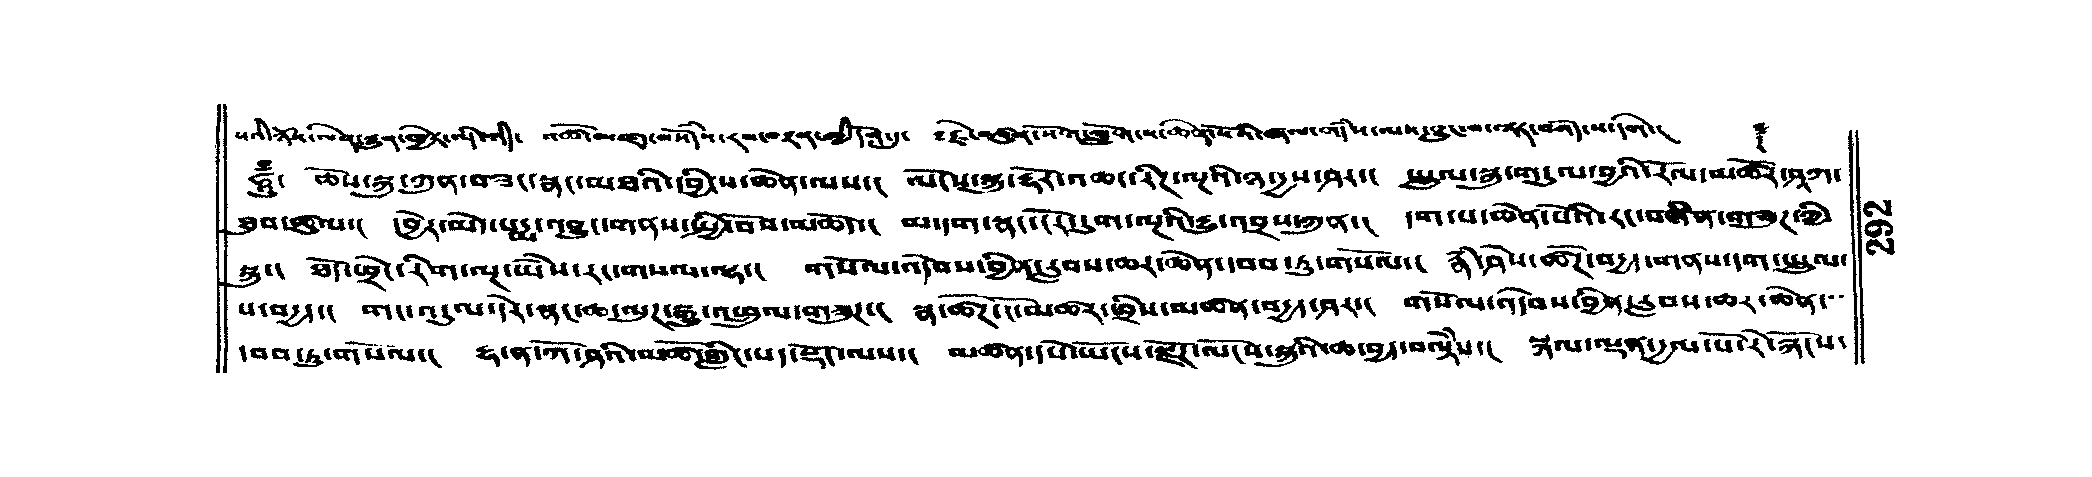པའི་ཉམས་ལེན་རྒྱུན་ཁྱེར་འདི་ཉིད། འཚོ་མཛད་བསོད་ནམས་རབ་བརྟན་གྱི་དོན་དུ། རྗེ་བཙུན་སོག་ཟློག་པ་ཆེན་པོའི་ཞལ་གདམས་ལས་བྱུང་བ་ལྟར་བཀོད་པ་དགེ།། ༈ 
ཧཱུྃ། ཆོས་སྐུ་ཀུན་བཟང་སྣང་མཐའི་དབྱིངས་ཆེན་ལས། །ལོངས་སྐུ་རྡོར་འཆང་རིགས་ལྔའི་ཉ་རྒྱས་ཤར། །སྤྲུལ་སྐུ་གདུལ་བྱའི་རོལ་མཚོར་ཤཱཀ་
ཐུབ་ཚུལ། །དབྱེར་མེད་པདྨ་འབྱུང་གནས་སྤྱི་བོས་མཆོད། །མ་དག་སྣང་ངོར་དུག་ལྔའི་རྒྱུ་འབྲས་ཀུན། །དག་པ་ཆེན་པོའི་རང་བཞིན་གཟུགས་ཀྱི་
སྐུ། །ཐོད་ཕྲེང་རིགས་ལྔ་ཡེ་ཤེས་རང་གསལ་ལྷ། །གསོལ་འདེབས་བྱིན་རླབས་ཆར་ཆེན་དབབ་ཏུ་གསོལ། །རྣམ་ཤེས་ཚོགས་བརྒྱད་གནས་དག་སྤྲུལ་
པ་བརྒྱད། །གང་འདུལ་དེར་སྣང་ཆ་ལུགས་སྒྱུ་འཕྲུལ་གཟུགས། །སྣ་ཚོགས་ངོ་མཚར་ཕྲིན་ལས་མཚན་བརྒྱད་ཤར། །གསོལ་འདེབས་བྱིན་རླབས་ཆར་ཆེན་
དབབ་ཏུ་གསོལ། །དྷ་ན་ཀོ་ཤའི་མཚོ་གླིང་པད་སྡོང་ལས། །མཚན་དཔེ་ཡོངས་རྫོགས་ལོངས་སྐུའི་ཆ་བྱས་བལྟམས། །སྐལ་ལྡན་རྒྱལ་པོ་རེ་སྐོང་